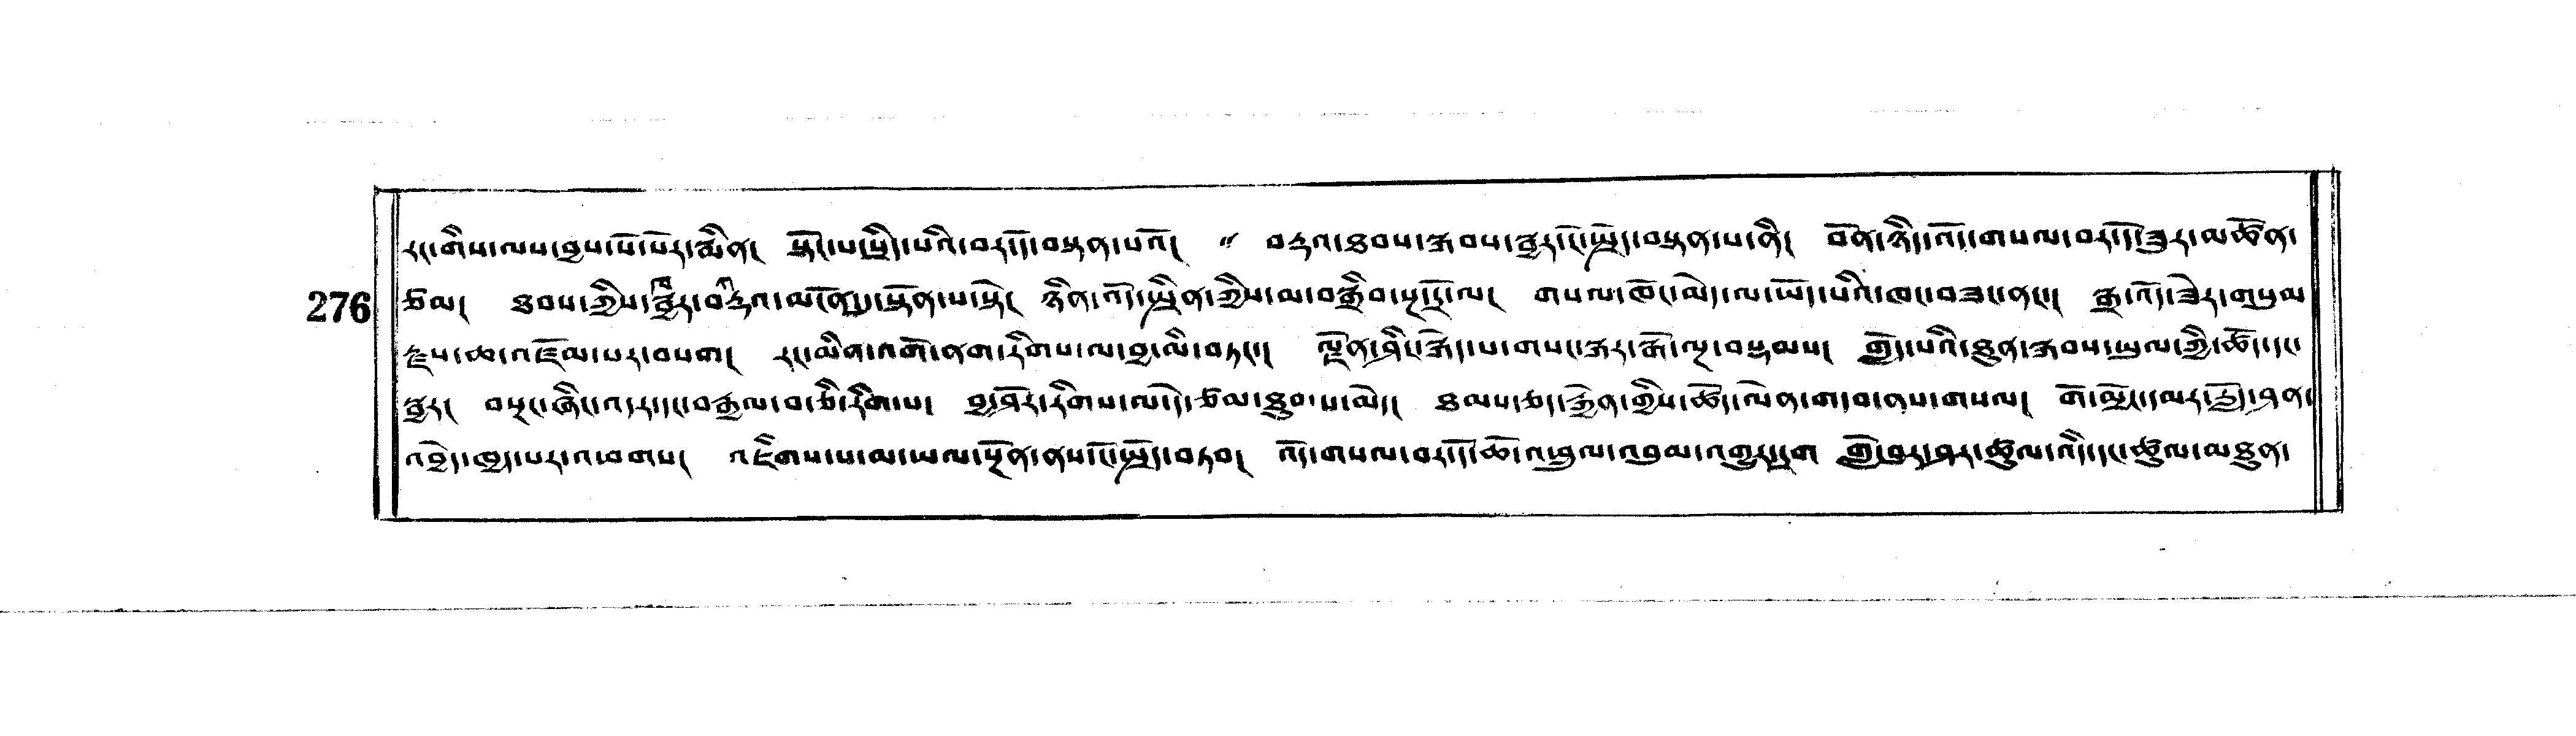རང་གི་ལས་བྱས་སོ་སོར་སྨིན། སྟོང་པ་སྲིད་པའི་བར་དོ་བསྟན་པའོ། ༧ བརྡ་ཐབས་སྐབས་སྦྱར་ངོ་སྤྲོད་བསྟན་པ་ནི། བོན་ཉིད་འོད་གསལ་བར་དོ་ཟུར་མཚོན་
ཙམ། ཐབས་ཀྱིས་བརྡ་སྦྱར་མངོན་དུ་སྟོན་པ་སྟེ། ཉི་འོད་སྤྲིན་གྱིས་མ་བསྒྲིབས་སྔ་དྲོ་ལ། གསལ་ཁོང་མེད་ལ་ཡོད་པའི་ཁང་བཟང་ནང་། སྒྲ་འོད་ཟེར་གསུམ་
རྫས་ཆ་འཛོམས་པར་བསགས། རང་མིན་འགོ་ནག་རིགས་ལ་བྱ་མི་བཏང་། ལྗོན་ཤིང་སྐེད་པ་གསང་སྐར་སྒོ་ལྔ་བསྡམས། གློད་པའི་ཐུན་སྐབས་ཡུལ་གྱི་ཚོད་དང་
སྦྱར། བསྔང་ཞིང་འདར་དང་བརྒྱལ་བ་ཅི་རིགས་པ། བྱ་ཤོར་རིགས་ལ་དེ་ཙམ་ཐུབ་པ་མེད། ཐམས་ཅད་རྐྱེན་གྱིས་ཚོད་ལེན་གདབ་ནས་གསལ། གོ་མྱོང་དམར་གློད་ཤན་
འབྱེད་ཁྱད་པར་འཕགས། འཇིགས་པ་མ་ཡལ་སྔོན་ནས་ངོ་སྤྲོད་བཏབ། འོད་གསལ་བར་དོ་ཆོ་འཕྲུལ་འབུམ་འགྱུར་དྲག གློ་བུར་ཤར་ཚུལ་འདི་དང་ཚུལ་མཐུན་